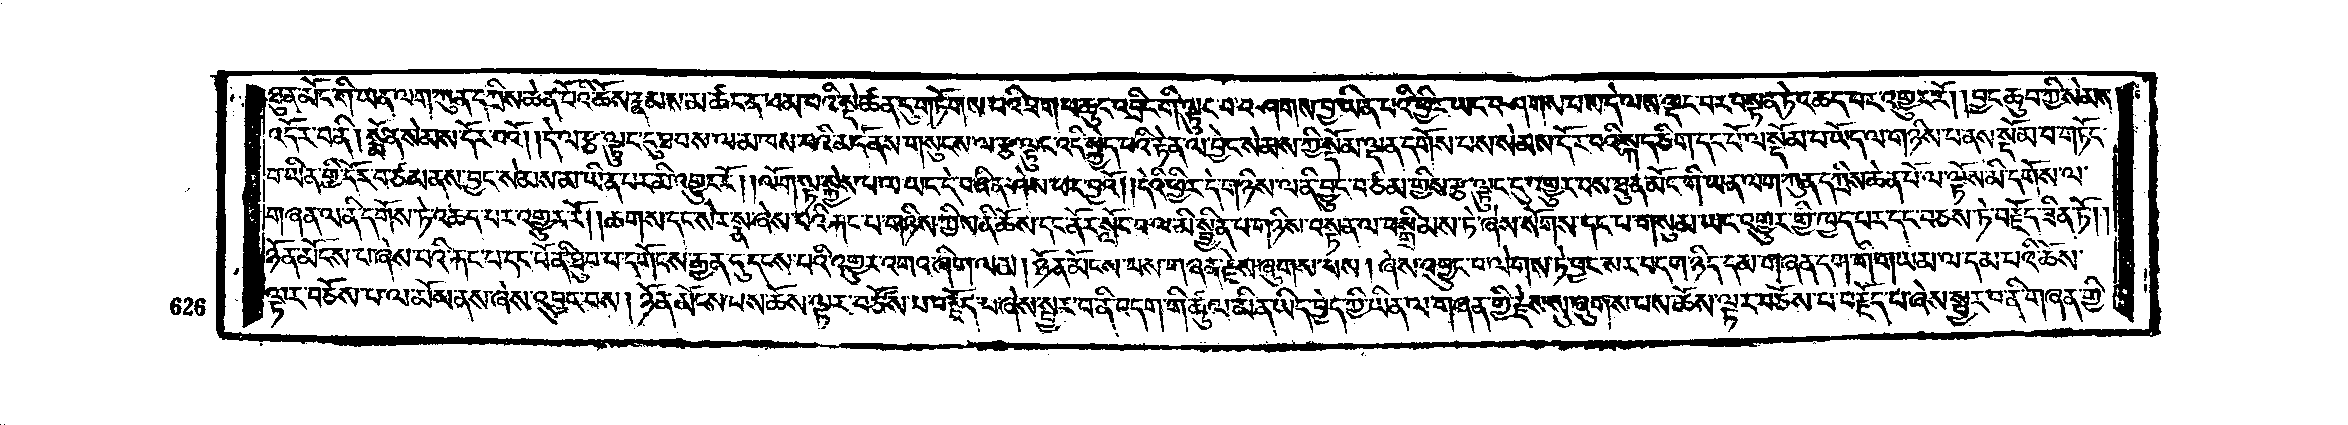ཐུན་མོང་གི་ཡན་ལག་ཀུན་དཀྲིས་ཆེན་པོའི་ཆོས་རྣམས་མ་ཚང་ན་ཕམ་བའི་སྡེ་ཚན་དུ་གཏོགས་པའི་ཐག་ཕ་ཆུང་འབྲིང་གི་ལྟུང་བ་བཤགས་བྱ་ཡིན་པའི་ཕྱིར་ཡང་བཤགས་པས་དེ་ལས་ལྡང་བར་བསྟན་ཏེ་འཆད་པར་འགྱུར་རོ། །བྱང་ཆུབ་ཀྱི་སེམས་
འདོར་བ་ནི། སྨོན་སེམས་དོར་བའོ། །དེ་ལ་རྩ་ལྟུང་དུ་ཐབས་ལ་མཁས་པའི་མདོ་ནས་གསུངས་ལ་རྩ་ལྟུང་འདི་སྐྱེད་པའི་རྟེན་ལ་བྱང་སེམས་ཀྱི་སྡོམ་ལྡན་དགོས་པས་སེམས་དོར་བའི་སྐད་ཅིག་དང་པོ་ལ་སྡོམ་པ་ཡོད་ལ་གཉིས་པ་ནས་སྡོམ་པ་གཏོང་
བ་ཡིན་གྱི་དོར་བ་ཙམ་ནས་བྱང་སེམས་མ་ཡིན་པར་མི་འགྱུར་རོ། །ལོག་ལྟ་སྐྱེས་པ་ལ་ཡང་དེ་བཞིན་ཤེས་པར་བྱའོ། །དེའི་ཕྱིར་དེ་གཉིས་ལ་ནི་བྱུང་བ་ཙམ་གྱིས་རྩ་ལྟུང་དུ་འགྱུར་བས་ཐུན་མོང་གི་ཡན་ལག་ཀུན་དཀྲིས་ཆེན་པོ་ལ་ལྟོས་མི་དགོས་ལ་
གཞན་ལ་ནི་དགོས་ཏེ་འཆད་པར་འགྱུར་རོ། །ཆགས་དང་སེར་སྣ་ཞེས་པའི་རྐང་པ་གཉིས་ཀྱིས་ནི་ཆོས་དང་ནོར་སློང་བ་ལ་མི་སྦྱིན་པ་གཉིས་བསྟན་ལ་བསྒྲིམས་ཏེ་ཞེས་སོགས་དང་པ་གསུམ་ཡང་འགྱུར་གྱི་ཁྱད་པར་དང་བཅས་ཏེ་བརྗོད་ཟིན་ཏོ། །
ཉོན་མོངས་པ་ཞེས་པའི་རྐང་པ་དང་པོ་ནི་ཐུབ་པ་དགོངས་རྒྱན་དུ་དངས་པའི་འགྱུར་འགའ་ཞིག་ལམ། ཉོན་མོངས་པས་གཞན་རྗེས་ཞུགས་པས། ཞེས་འབྱུང་བ་ལེགས་ཏེ་བྱང་སར་བདག་ཉིད་དམ་གཞན་དག་གི་གཡམ་ལ་དམ་པའི་ཆོས་
ལྟར་བཅོས་པ་ལ་མོས་ནས་ཞེས་འབྱུང་བས། ཉོན་མོངས་པས་ཆོས་ལྟར་བཙོས་པ་བརྗོད་པ་ཞེས་སྦྱར་བ་ནི་བདག་གི་ཚུལ་མིན་ཡིད་བྱེད་ཀྱི་ཡིན་ལ་གཞན་གྱི་རྗེས་སུ་ཞུགས་པས་ཆོས་ལྟར་བཅོས་པ་བརྗོད་པ་ཞེས་སྦྱར་བ་ནི་གཞན་གྱི་